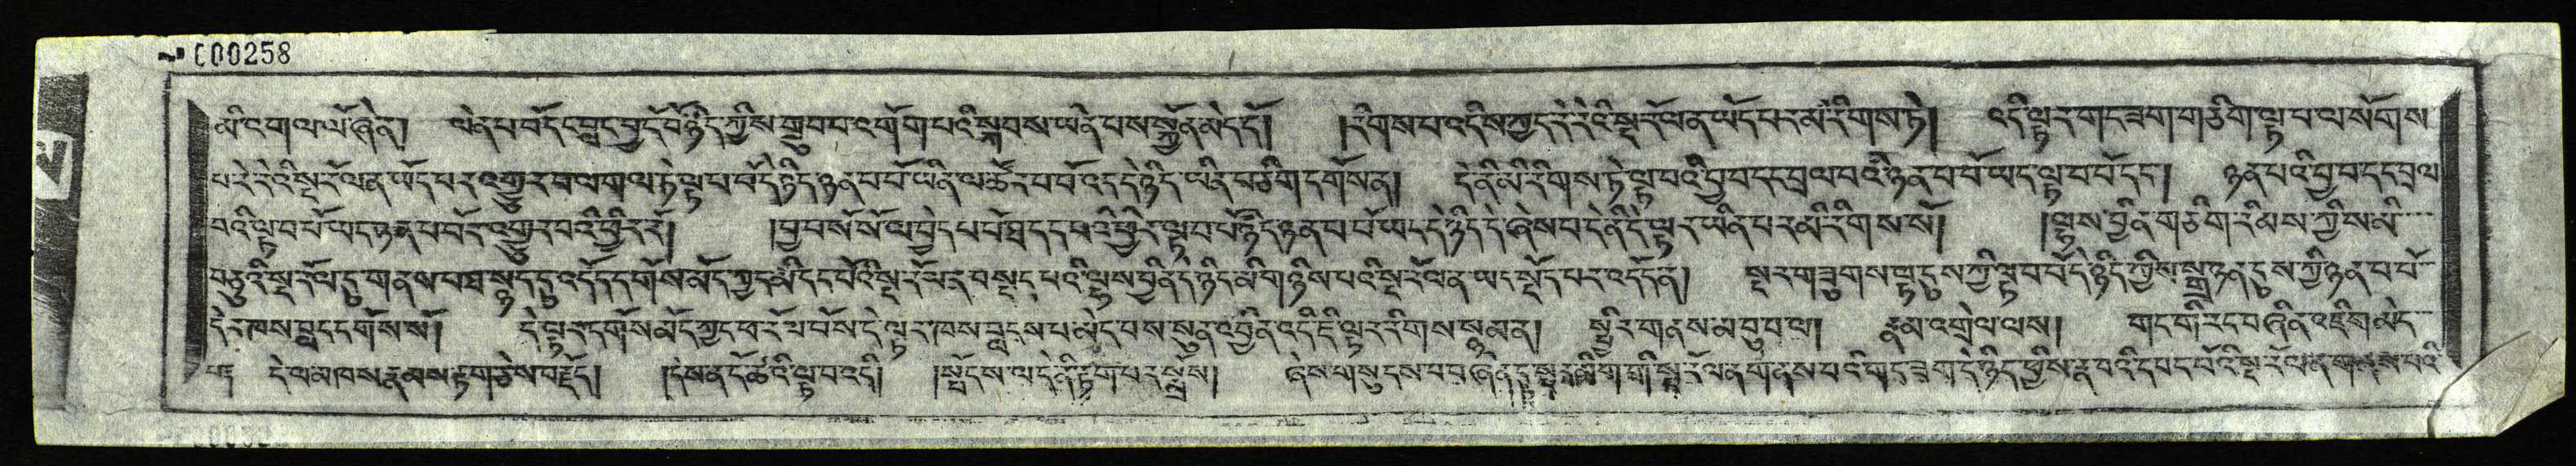མི་འགལ་ལོ་ཞེ་ན། ལེན་པ་པོ་དང་བླང་བྱ་ངོ་བོ་ཉིད་ཀྱིས་གྲུབ་པ་འགོག་པའི་སྐབས་ཡིན་པས་སྐྱོན་མེད་དོ། །རིགས་པ་འདིས་ཀྱང་རེ་རེའི་སྔ་རོལ་ན་ཡོད་པར་མ་རིགས་ཏེ། འདི་ལྟར་གང་ཟག་གཅིག་ལྟ་བ་ལ་སོགས་
པ་རེ་རེའི་སྔ་རོལ་ན་ཡོད་པར་འགྱུར་བ་ལ་འགལ་ཏེ་ལྟ་བ་པོ་དེ་ཉིད་ཉན་པ་པོ་ཡིན་ལ་ཚོར་བ་པོ་འང་དེ་ཉིད་ཡིན་པ་ཅིག་དགོས་ན། དེ་ནི་མི་རིགས་ཏེ་ལྟ་བའི་བྱ་བ་དང་བྲལ་བའི་ཉན་པ་པོ་ཡང་ལྟ་བ་པོ་དང་། ཉན་པའི་བྱ་བ་དང་བྲལ་
བའི་ལྟ་བ་པོ་ཡང་ཉན་པ་པོར་འགྱུར་བའི་ཕྱིར་རོ། །བྱ་བ་སོ་སོ་ལ་བྱེད་པ་པོ་ཐ་དད་པའི་ཕྱིར་ལྟ་བ་པོ་ཉིད་ཉན་པ་པོ་ཡང་དེ་ཉིད་དེ་ཞེས་པ་དེ་ནི་དེ་ལྟར་ཡིན་པར་མི་རིགས་སོ། །ལྷས་བྱིན་གཅིག་རིམས་ཀྱིས་མི་
བཅུའི་སྔ་རོལ་དུ་གནས་པ་ཐ་སྙད་དུ་འདོད་དགོས་མོད་ཀྱང་མི་དང་པོའི་སྔ་རོལ་ན་བསྡད་པའི་ལྷས་བྱིན་དེ་ཉིད་མི་གཉིས་པའི་སྔ་རོལ་ན་ཡང་སྡོད་པར་འདོད་ན། སྔར་གཟུགས་ལྟ་དུས་ཀྱི་ལྟ་བ་པོ་དེ་ཉིད་ཀྱིས་སྒྲ་ཉན་དུས་ཀྱི་ཉན་པ་པོ་
དེར་ཁས་བླང་དགོས་སོ། དེ་ལྟར་དགོས་མོད་ཀྱང་ཕ་རོལ་བོས་དེ་ལྟར་ཁས་བླངས་པ་མེད་པས་སུན་འབྱིན་འདི་ཇི་ལྟར་རིགས་སྙམ་ན། སྤྱིར་གནས་མ་བུ་བ་ལ། རྣམ་འགྲེལ་ལས། གང་གི་རང་བཞིན་འཇིག་མེད་
པ༑ དེ་ལ་མཁས་རྣམས་རྟག་ཅེས་བརྗོད། །དེས་ན་ངོ་ཚའི་ལྟ་བ་འདི། །སྤོངས་ལ་དེ་ནི་རྟག་པར་སྨྲོས། ཞེས་གསུངས་པ་བཞིན་དུ་སྤར་མིག་གི་སྔ་རོལ་ན་གནས་པའི་གང་ཟག་དེ་ཉིད་ཕྱིས་རྣ་བའི་དབང་པོའི་སྔ་རོལ་ན་གནས་པའི་